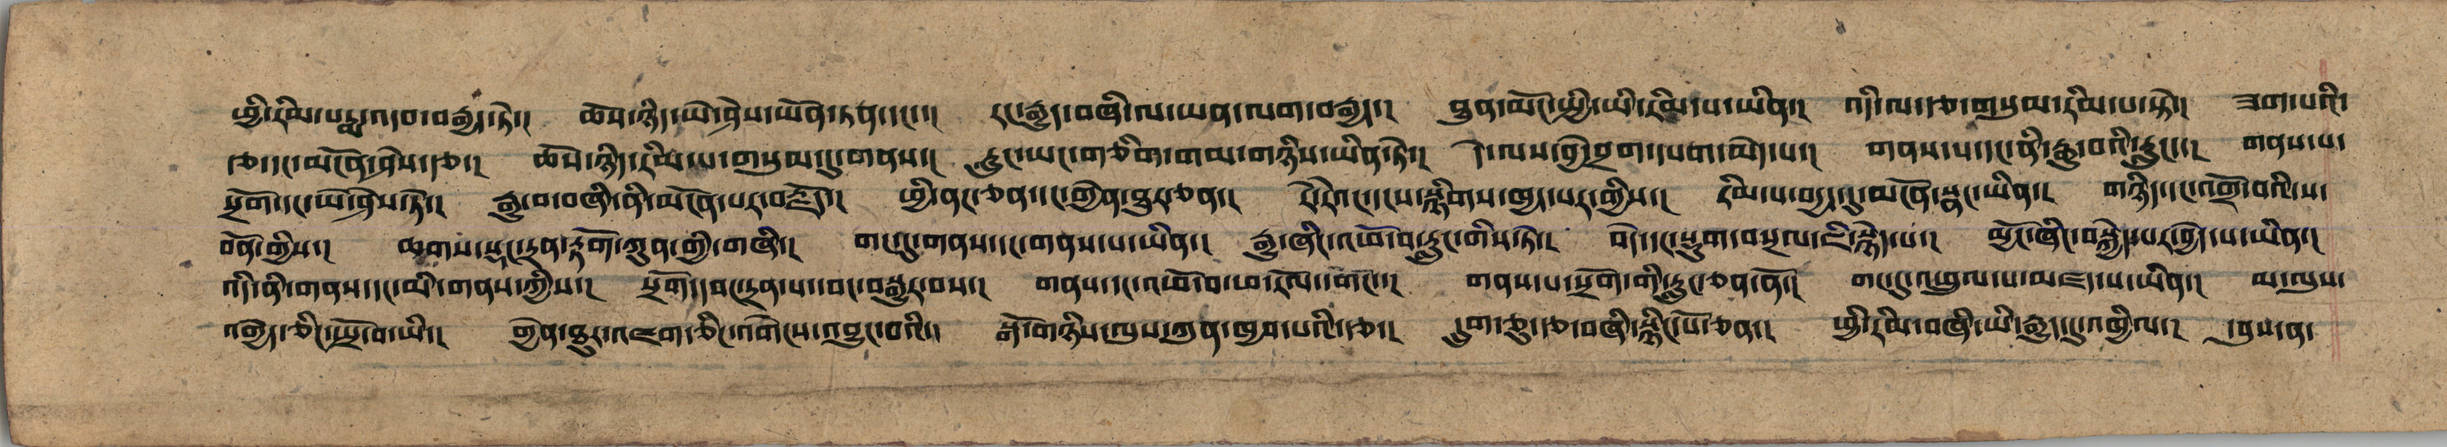ཕྱི་རིམ་པདྨ་འདབ་བརྒྱད་ཏེ་། ཆོས་ཉིད་ཡེ་ཤེས་ཡོན་ཏན་དང་་། རང་རྒྱུད་བཞི་ལ་ཡན་ལག་བརྒྱད་། ཐུན་མོང་སྤྱི་ཡི་རིམ་པ་ཡིན་། འདི་ལ་རྩ་གསུམ་རིམ་པ་སྟེ་། ཟག་པའི་
རྩ་དང་མངོན་ཤེས་རྩ་། ཆོས་ཉིད་རིམ་པ་གསུམ་དུ་གནས་། རླུང་ཡང་གཅིག་གམ་གཉིས་ཡིན་ཏེ་། དེ་ལས་བྱེ་བྲག་དཔག་མེད་པ་། གནས་པ་དང་ནི་རྒྱུ་བའི་རླུང་་། གནས་པ་
སྲོག་དང་ཡེ་ཤེས་ཏེ་། རྒྱུ་བ་བཞི་ནི་མངོན་པར་བརྗོད་། ཕྱི་ནང་ཅན་དང་གྱེན་ཐུར་ཅན་། རེ་རེའང་དངས་སྙིགས་ཁྱད་པར་གྱིས་། རིམ་པ་བདྱད་དུ་མངོན་སྣང་ཡིན་། གཉིད་དང་འགྲོ་བའི་ས་
བོན་གྱིས་། ཆགས་སྡང་དྲན་རྟོག་ཀུན་གྱི་གཞི་། གང་དུ་གནས་དང་གནས་པ་ཡིན་། རྒྱུ་ཞིང་འཕོ་བ་རླུང་གིས་ཏེ་། བདེ་དང་སྡུག་བསྔལ་ཇི་སྙེད་པ་། མྱོང་ཞིང་བསྐྱེད་པར་བྱེད་པ་ཡིན་།
འདི་ནི་གནས་དང་མི་གནས་ཀྱིས་། སྲོག་དབང་དྲན་པ་དབང་བསྒྱུར་བས་། གནས་དང་འཕོ་བ་ཕ་རོལ་དགོང་་། གནས་པ་སྲོག་གི་རླུང་ཅན་ནོ་། གང་དུ་འཕྲུལ་པ་མཛད་པ་ཡིན་། མ་ལུས་
འགྱེད་ཅིང་སྤྲོ་བ་ཡི་། གྱེན་ཐུར་འཛག་ཅིང་འགེངས་འབྱུང་བའི་། སྒོ་གཉིས་ལུས་ཀུན་ཁྱབ་པའི་རྩ་། དྲུག་ཅུ་རྩ་བཞི་སྙིང་པོ་ཅན་། ཕྱི་རིམ་བཞི་ཡི་རྒྱུད་དུ་འཁྱིལ་། དབུས་ན་